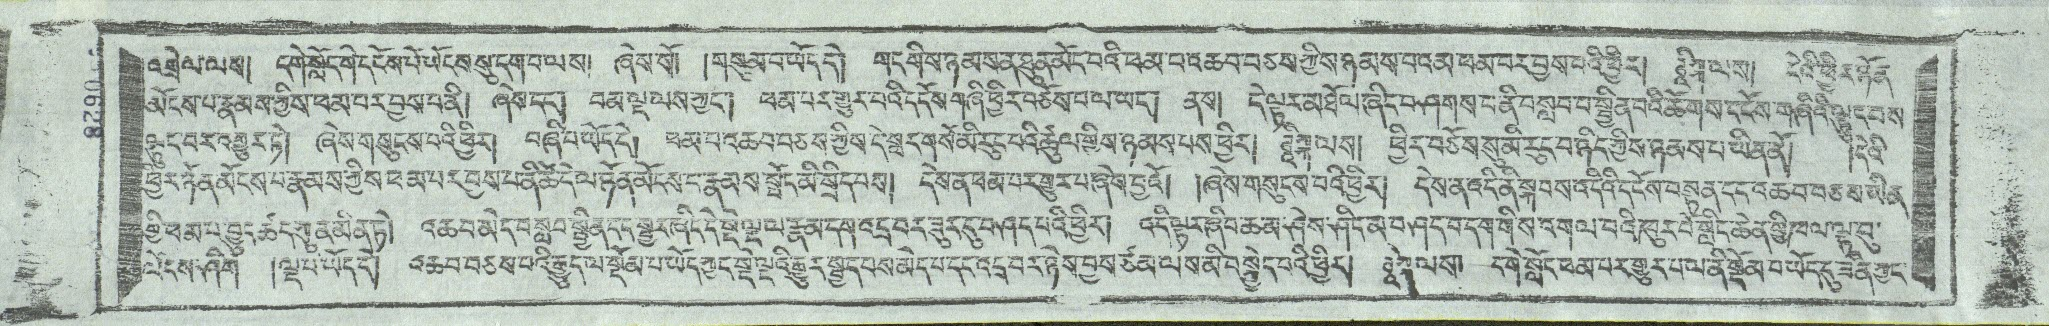འགྲེལ་ལས། དགེ་སློང་གི་དངོས་པོ་ཡོངས་སུ་དག་པ་ལས། ཞེས་སོ། །གསུམ་པ་ཡོད་དེ། གང་གིས་ཉམས་ན་ཐུན་མོང་བའི་ཕམ་པ་འཆབ་བཅས་ཀྱིས་ཉམས་པའམ་ཕམ་པར་བྱས་པའི་ཕྱིར། ཊཱིཀྐ་ལས། དེའི་ཕྱིར་ཉོན་
མོངས་པ་རྣམས་ཀྱིས་ཕམ་པར་བྱས་པ་ནི། ཞེས་དང་། བམ་ལྔ་ལས་ཀྱང་། ཕམ་པར་གྱུར་བའི་དངོས་གཞི་ཕྱིར་བཅོས་པ་ལ་ཡང་། ནས། དེ་ལྟར་མཐོལ་ཞིང་བཤགས་པ་ནི་བསླབ་པ་སྦྱིན་པའི་ཆོ་གས་དངོས་གཞིའི་ལྟུང་བས་
ལྟུང་བར་འགྱུར་ཏེ། ཞེས་གསུངས་པའི་ཕྱིར། བཞི་པ་ཡོད་དེ། ཕམ་པ་འཆབ་བཅས་ཀྱིས་དེ་སླར་གསོ་མི་རུང་བའི་ཚུལ་གྱིས་ཉམས་པས་ཕྱིར། ཊཱིཀྐ་ལས། ཕྱིར་བཅོས་སུ་མི་རུང་བ་ཉིད་ཀྱིས་ཉམས་པ་ཡིན་ནོ། །དེའི་
ཕྱིར་ཉོན་མོངས་པ་རྣམས་ཀྱིས་ཕམ་པར་བྱས་པ་ནི་ཚེ་དེ་ལ་ཉོན་མོངས་པ་རྣམས་སྤོང་མི་སྲིད་པས། དེས་ན་ཕམ་པར་གྱུར་པ་ཞེས་བྱའོ། །ཞེས་གསུངས་པའི་ཕྱིར། དེས་ན་འདི་ནི་སྐབས་འདིའི་དངོས་བསྟན་དང་འཆབ་བཅས་ཡིན་
གྱི་ཕམ་པ་བྱུང་ཚད་ཀུན་མིན་ཏེ། འཆབ་མེད་བསླབ་སྦྱིན་དང་སྦྱར་ཞིང་དེ་སྡེ་ལྔ་ལ་རྣམ་དག་འདྲ་བར་ཟུར་དུ་བཤད་པའི་ཕྱིར། འདི་ལྟར་ཞིབ་ཆ་མ་ཤེས་ཤིང་མ་བཤད་པ་དག་གིས་འགལ་བའི་ཁུར་བོ་གླིང་ཆེན་གྱི་ཁ་ལ་ལྟ་བུ་
ལོངས་ཤིག །ལྔ་པ་ཡོད་དེ། འཆབ་བཅས་པའི་རྒྱུད་ལ་སྡོམ་པ་ཡོད་ཀྱང་སྡེ་ལྔའི་རྒྱུར་སྤྱད་པས་མེད་པ་དང་འདྲ་བར་ཉེས་བྱས་ཙམ་ལས་མི་བསྐྱེད་པའི་ཕྱིར། ཊཱིཀྐ་ལས། དགེ་སློང་ཕམ་པར་གྱུར་པ་ལ་ནི་སྡོམ་པ་ཡོད་དུ་ཟིན་ཀྱང་